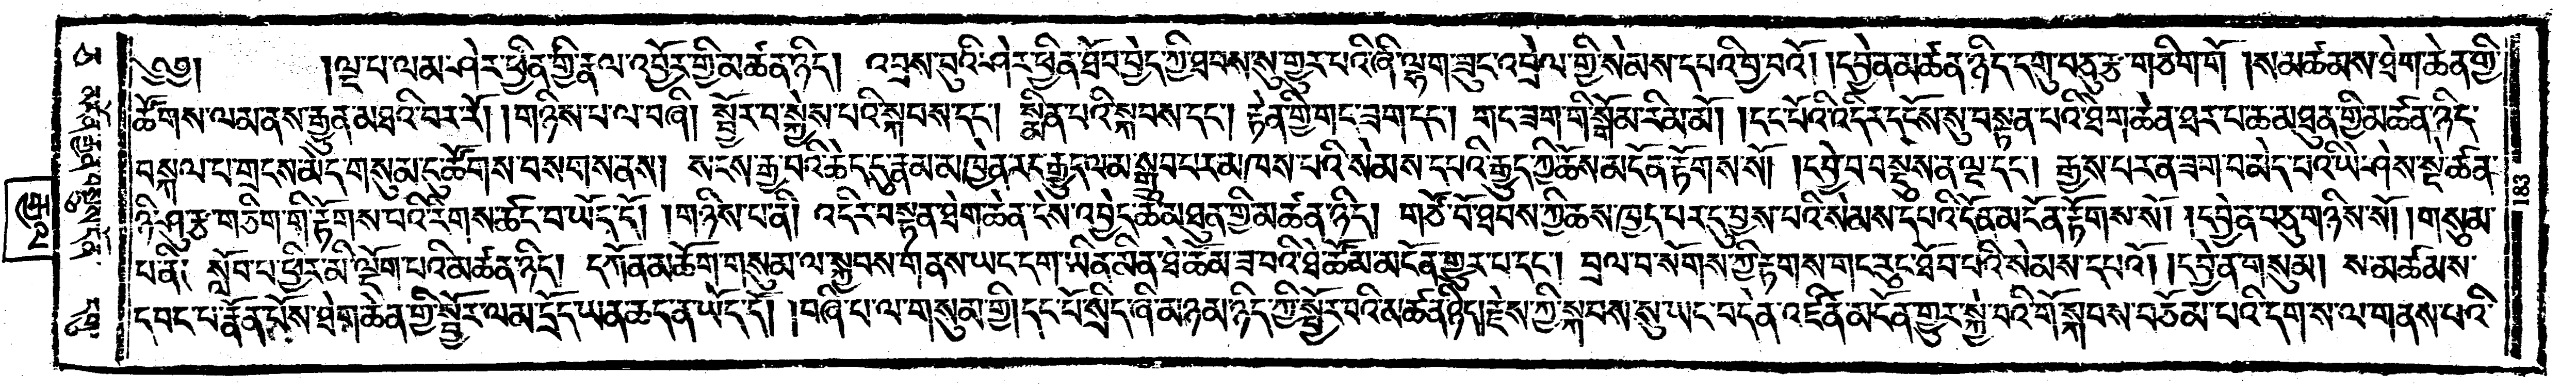༄༅། །ལྔ་པ་ལམ་ཤེར་ཕྱིན་གྱི་རྣལ་འབྱོར་གྱི་མཚན་ཉིད། འབྲས་བུའི་ཤེར་ཕྱིན་ཐོབ་བྱེད་ཀྱི་ཐབས་སུ་གྱུར་པའི་ཞི་ལྷག་ཟུང་འབྲེལ་གྱི་སེམས་དཔའི་བྱ་བའོ། །དབྱེ་ན་མཚན་ཉིད་དགུ་བཅུ་རྩ་གཅིག་གོ །ས་མཚམས་ཐེག་ཆེན་གྱི་
ཚོགས་ལམ་ནས་རྒྱུན་མཐའི་བར་རོ། །གཉིས་པ་ལ་བཞི། སྦྱོར་བ་སྐྱེས་པའི་སྐབས་དང་། སྨིན་པའི་སྐབས་དང་། རྟེན་གྱི་གང་ཟག་དང་། གང་ཟག་གི་སྒོམ་རིམ་མོ། །དང་པོའི་འདིར་དངོས་སུ་བསྟན་པའི་ཐེག་ཆེན་ཐར་པ་ཆ་མཐུན་གྱི་མཚན་ཉིད་
བསྐལ་པ་གྲངས་མེད་གསུམ་དུ་ཚོགས་བསགས་ནས། སངས་རྒྱ་བའི་ཆེད་དུ་རྣམ་མཁྱེན་རང་རྒྱུད་ལ་མ་སྒྲུབ་པར་མཁས་པའི་སེམས་དཔའི་རྒྱུད་ཀྱི་ཆོས་མངོན་རྟོགས་སོ། །དབྱེ་བ་བསྡུས་ན་ལྔ་དང་། རྒྱས་པར་ན་ཟག་པ་མེད་པའི་ཡེ་ཤེས་སྡེ་ཚན་
ཉི་ཤུ་རྩ་གཅིག་གི་རྟོགས་པའི་རིགས་ཚང་བ་ཡོད་དོ། །གཉིས་པ་ནི། འདིར་བསྟན་ཐེག་ཆེན་ངེས་འབྱེད་ཆ་མཐུན་གྱི་མཚན་ཉིད། གཙོ་བོ་ཐབས་ཀྱི་ཆས་ཁྱད་པར་དུ་བྱས་པའི་སེམས་དཔའི་དོན་མངོན་རྟོགས་སོ། །དབྱེ་ན་བཅུ་གཉིས་སོ། །གསུམ་
པ་ནི། སློབ་པ་ཕྱིར་མི་ལྡོག་པའི་མཚན་ཉིད། དཀོན་མཆོག་གསུམ་ལ་སྐྱབས་གནས་ཡང་དག་ཡིན་མིན་ཐེ་ཚོམ་ཟ་བའི་ཐེ་ཚོམ་མངོན་གྱུར་པ་དང་། བྲལ་བ་སོགས་ཀྱི་རྟགས་གང་རུང་ཐོབ་པའི་སེམས་དཔའོ། །དབྱེ་ན་གསུམ། ས་མཚམས་
དབང་པ་རྣོན་པོས་ཐེག་ཆེན་གྱི་སྦྱོར་ལམ་དྲོད་ཡན་ཆད་ན་ཡོད་དོ། །བཞི་པ་ལ་གསུམ་གྱི། དང་པོ་སྲིད་ཞི་མཉམ་ཉིད་ཀྱི་སྦྱོར་བའི་མཚན་ཉིད། རྗེས་ཀྱི་སྐབས་སུ་ཡང་བདེན་འཛིན་མངོན་གྱུར་སྐྱེ་བའི་གོ་སྐབས་བཅོམ་པའི་དག་ས་ལ་གནས་པའི་